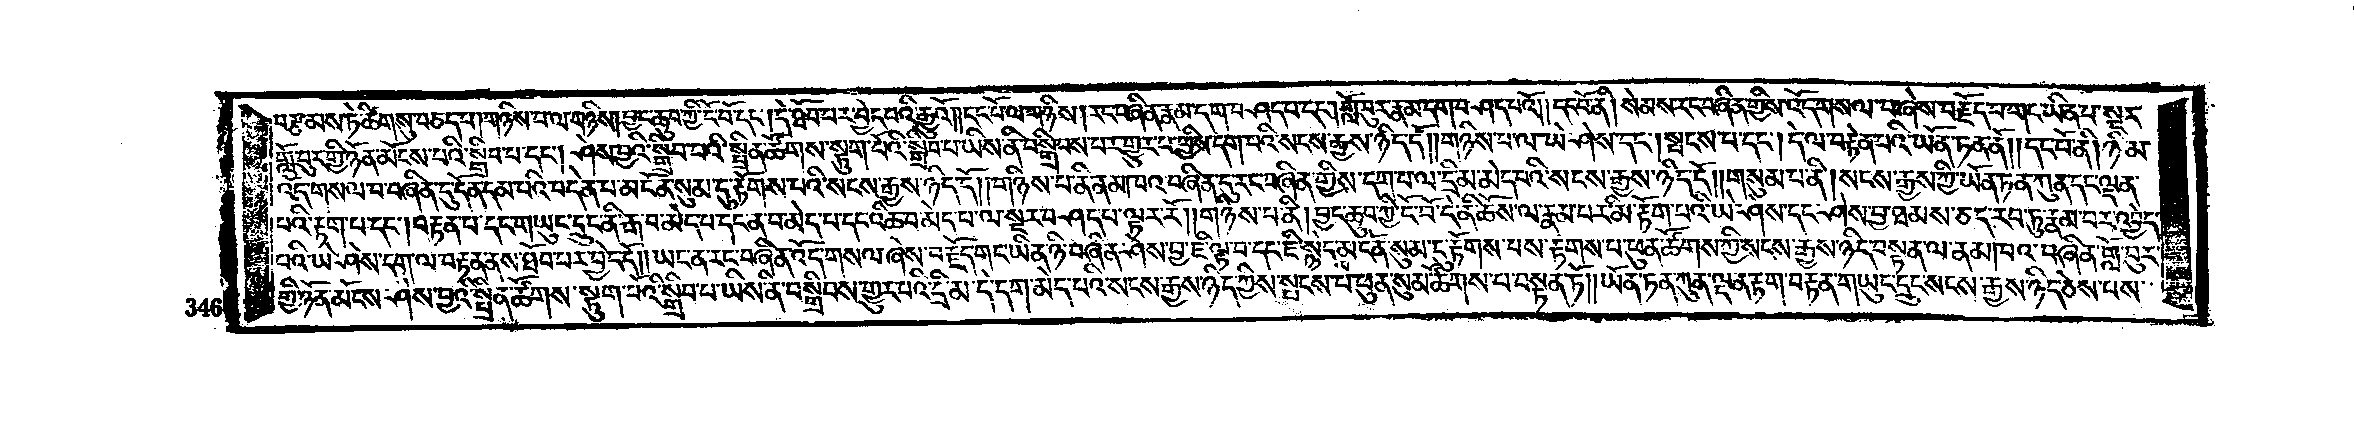བརྩམས་ཏེ་ཚིགས་སུ་བཅད་པ། གཉིས་པ་ལ་གཉིས། བྱང་ཆུབ་ཀྱི་ངོ་བོ་དང་། དེ་ཐོབ་པར་བྱེད་པའི་རྒྱུའོ། །དང་པོ་ལ་གཉིས། རང་བཞིན་རྣམ་དག་བཤད་པ་དང་། གློ་བུར་རྣམ་དག་བཤད་པའོ། །དང་པོ་ནི། སེམས་རང་བཞིན་གྱིས་འོད་གསལ་བ་ཞེས་བརྗོད་པ་གང་ཡིན་པ་སྔར་
གློ་བུར་གྱི་ཉོན་མོངས་པའི་སྒྲིབ་པ་དང་། ཤེས་བྱའི་སྒྲིབ་པའི་སྤྲིན་ཚོགས་སྟུག་པོའི་སྒྲིབ་པ་ཡིས་ནི་བསྒྲིབས་པར་གྱུར་པ་གྱིས་དག་པའི་སངས་རྒྱས་ཉིད་དོ། །གཉིས་པ་ལ་ཡེ་ཤེས་དང་། སྤངས་པ་དང་། དེ་ལ་བརྟེན་པའི་ཡོན་ཏན་ནོ། །དང་པོ་ནི། ཉི་མ་
འོད་གསལ་བ་བཞིན་དུ་དོན་དམ་པའི་བདེན་པ་མངོན་སུམ་དུ་རྟོགས་པའི་སངས་རྒྱས་ཉིད་དོ། །གཉིས་པ་ནི་ནམ་མཁའ་བཞིན་དུ་རང་བཞིན་གྱིས་དག་པ་ལ་དྲི་མ་མེད་པའི་སངས་རྒྱས་ཉིད་དོ། །གསུམ་པ་ནི། སངས་རྒྱས་ཀྱི་ཡོན་ཏན་ཀུན་དང་ལྡན་
པའི་རྟག་པ་དང་། བརྟན་པ་དང་གཡུང་དྲུང་ནི་རྒ་བ་མེད་པ་དང་ན་བ་མེད་པ་དང་འཆི་བ་མེད་པ་ལ་སྔར་བཤད་པ་ལྟར་རོ། །གཉིས་པ་ནི། བྱང་ཆུབ་ཀྱི་ངོ་བོ་དེ་ནི་ཆོས་ལ་རྣམ་པར་མི་རྟོག་པའི་ཡེ་ཤེས་དང་ཤེས་བྱ་ཐམས་ཅད་རབ་ཏུ་རྣམ་པར་འབྱེད་
པའི་ཡེ་ཤེས་དག་ལ་བརྟན་ནས་ཐོབ་པར་བྱེད་དོ། །ཡང་ན་རང་བཞིན་འོད་གསལ་ཞེས་བརྗོད་གང་ཡིན་ཉི་བཞིན་ཤེས་བྱ་ཇི་ལྟ་བ་དང་ཇི་སྙེད་པ་མངོན་སུམ་དུ་རྟོགས་པས་རྟགས་པ་ཕུན་ཚོགས་ཀྱི་སངས་རྒྱས་ཉིད་བསྟན་ལ་ནམ་མཁའ་བཞིན་གློ་བུར་
གྱི་ཉོན་མོངས་ཤེས་བྱའི་སྤྲིན་ཚོགས་སྟུག་པོའི་སྒྲིབ་པ་ཡིས་ནི་བསྒྲིབས་གྱུར་པའི་དྲི་མ་དེ་དག་མེད་པའི་སངས་རྒྱས་ཉིད་ཀྱིས་སྤངས་པ་ཕུན་སུམ་ཚོགས་པ་བསྟན་ཏོ། །ཡོན་ཏན་ཀུན་ལྡན་རྟག་བརྟན་གཡུང་དྲུང་སངས་རྒྱས་ཉིད་ཅེས་པས་